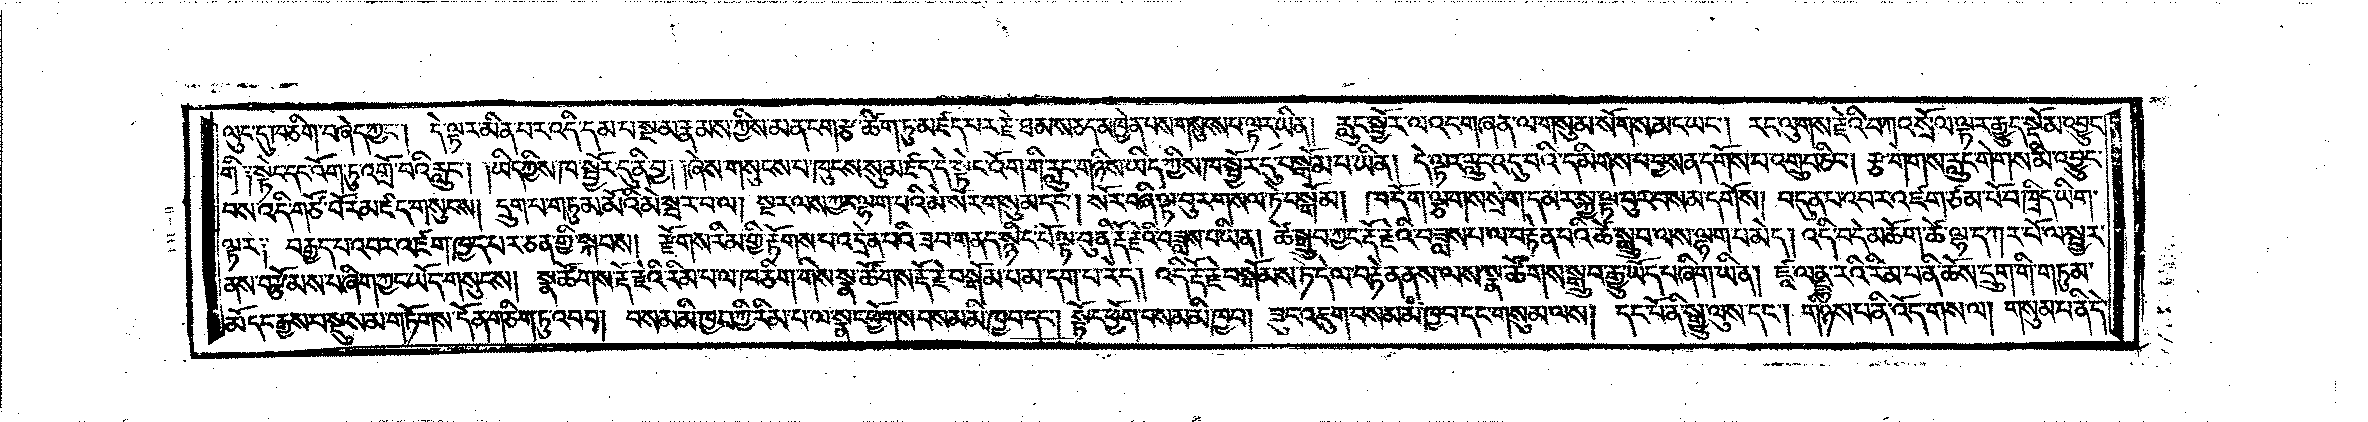ལུང་དུ་ཁ་ཅིག་བཞེད་ཀྱང་། དེ་ལྟར་མིན་པར་འདི་དམ་པ་སྔམ་རྣམས་ཀྱིས་མན་ངག་རྩ་ཚིག་ཏུ་མཛད་པར་རྗེ་ཐམས་ཅད་མཁྱེན་པས་གསུངས་པ་ལྟར་ཡིན། རླུང་སྦྱོར་ལའང་གཞན་ལ་གསུམ་སོགས་མང་ཡང་། རང་ལུགས་རྗེའི་བཀའ་སྲོལ་ལྟར་རྒྱུད་སྡོམ་འབྱུང་
གི༑ སྟེང་དང་འོག་ཏུ་འགྲོ་བའི་རླུང་། །ཡིད་ཀྱིས་ཁ་སྦྱོར་དུ་ནི་བྱ༑ ༑ཞེས་གསུངས་པ་ཁུངས་སུ་མཛད་དེ་སྟེང་འོག་གི་རླུང་གཉིས་ཡིད་ཀྱིས་ཁ་སྦྱོར་དུ་བསྒོམ་པ་ཡིན། དེ་ལྟར་རླུང་འདུ་བའི་དམིགས་པ་བྱས་ན་དགོས་པ་འགྲུབ་ཅིང་། རྩ་གེགས་རླུང་གེགས་མི་འབྱུང་
བས་འདི་གཙོ་བོར་མཛད་གསུངས། དྲུག་པ་གཏུམ་མོའི་མེ་སྦར་བ་ལ། སྔར་ལས་ཀྱང་ལྷག་པའི་མེ་སོར་གསུམ་དང་། སོར་བཞི་ལྟ་བུར་གསལ་ཏེ་བསྒོམ། ཁ་དོག་ལྕགས་སྲེག་དམར་སྐྱ་ལྟ་བུར་བསམ་དགོས། བདུན་པ་འབར་འཛག་ཙམ་པོ་བ་ཁྲིད་ཡིག་
ལྟར༑ བརྒྱད་པ་འབར་འཛག་ཁྱད་པར་ཅན་གྱི་སྐབས། རྫོགས་རིམ་གྱི་རྟོགས་པ་འདྲེན་པའི་ཟབ་གནད་སྙིང་པོ་ལྟ་བུ་ནི་རྡོ་རྗེའི་བཟླས་པ་ཡིན། ཚེ་སྒྲུབ་ཀྱང་རྡོ་རྗེའི་བཟླས་པ་ལ་བརྟེན་པའི་ཚེ་སྒྲུབ་ལས་ལྷག་པ་མེད། འདི་བདེ་མཆོག་ཚེ་ལྷ་དཀར་པོ་ལ་སྦྱར་
ནས་བརྩོམས་པ་ཞིག་ཀྱང་ཡོད་གསུངས། སྣ་ཚོགས་རྡོ་རྗེའི་རིམ་པ་ལ་ཁ་ཅིག་གིས་སྣ་ཚོགས་རྡོ་རྗེ་བསྒོམ་པ་མ་དག་པ་རེད། འདི་རྡོ་རྗེ་བསྒོམས་ཏེ་དེ་ལ་བརྟེན་ནས་ལས་སྣ་ཚོགས་སྒྲུབ་རྒྱུ་ཡོད་པ་ཞིག་ཡིན། ཛཱ་ལནྡྷ་རའི་རིམ་པ་ནི་ཆོས་དྲུག་གི་གཏུམ་
མོ་དང་རྒྱས་བསྡུས་མ་གཏོགས་དོན་གཅིག་ཏུ་འབབ། བསམ་མི་ཁྱབ་ཀྱི་རིམ་པ་ལ་སྣང་ཕྱོགས་བསམ་མི་ཁྱབ་དང་། སྟོང་ཕྱོག་བསམ་མི་ཁྱབ། ཟུང་འཇུག་བསམ་མི་ཁྱབ་དང་གསུམ་ལས། དང་པོ་ནི་སྒྱུ་ལུས་དང་། གཉིས་པ་ནི་འོད་གསལ། གསུམ་པ་ནི་དེ་